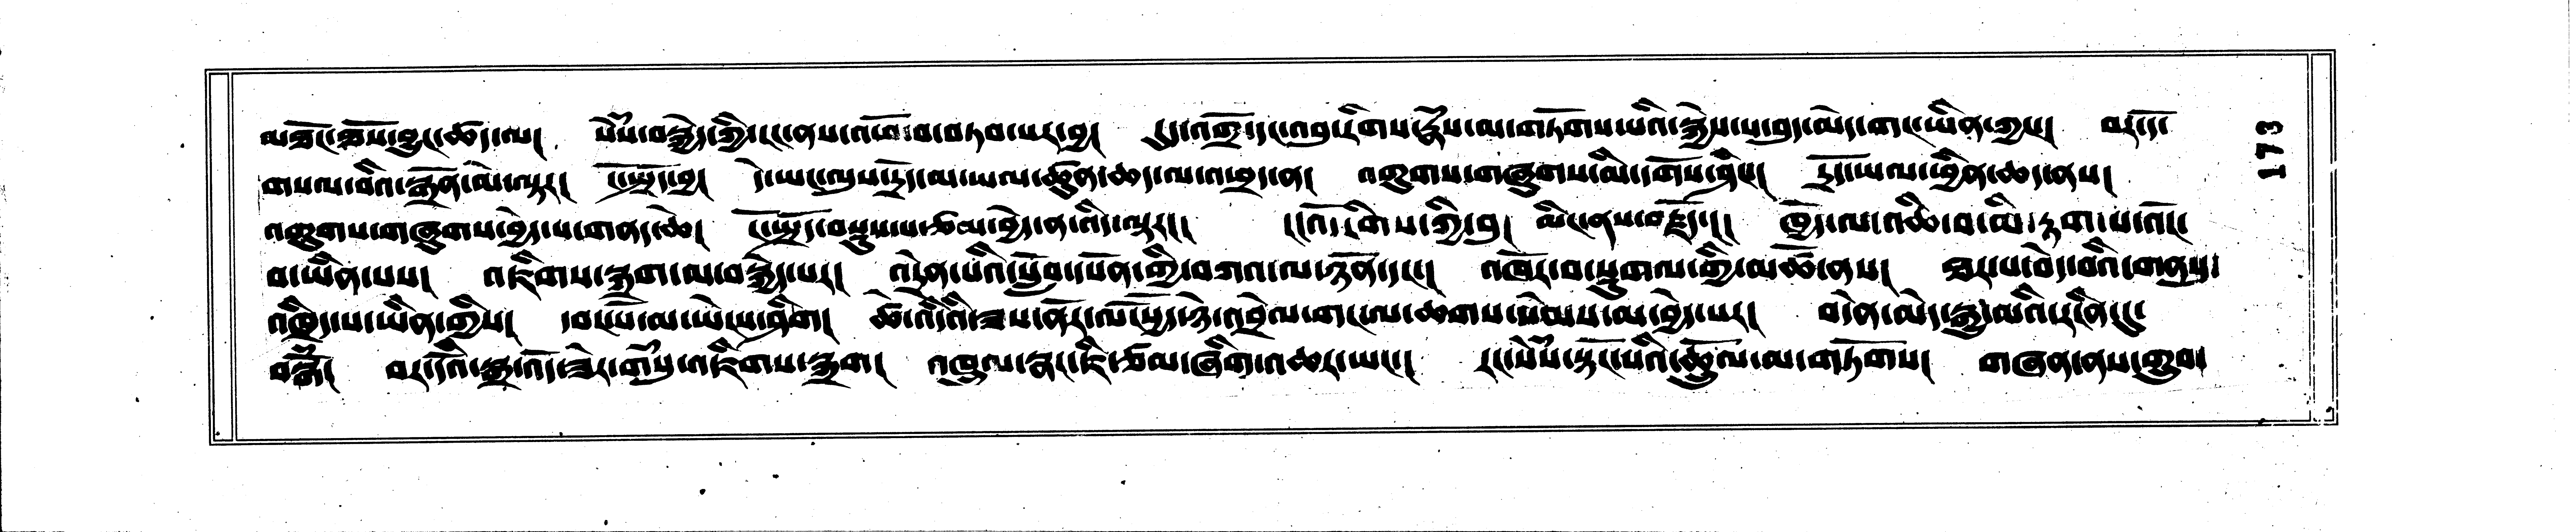མཐོང་ཐོས་བྱུང་ཚད་ལ། སེམས་བསྐྱེད་ཀྱི་ངང་ནས་འཕོ་བ་བཏབ་པར་བྱ། དུད་འགྲོ་དང་འབུ་རིགས་རྣམས་མ་གཏོགས་པའི་སྐྱེས་པ་བུད་མེད་གང་ཡིན་ཀྱང་། བར་དོ་
གསལ་བའི་སྒྲོན་མེ་ལྟར་ངོ་སྤྲོད་བྱ། དེ་ཡང་ལུས་དྲོད་མ་ཡལ་ཚུན་ཆད་ལ་འཕྲད་ན། འགུགས་གཞུག་མི་དགོས་ཤིང་། དྲོད་ཡལ་ཕྱིན་ཆད་ནས། 
འགུགས་གཞུག་བྱེད་པ་གནད་ཆེ། ངོ་སྤྲོད་བསྡུས་པ་ཙམ་བྱེད་པ་ན་འདི་ལྟར། འོ་རིགས་ཀྱི་བུ། མིང་ནས་བརྗོད། ཁྱོད་ལ་འཆི་བ་མི་རྟག་པ་འོང་
བ་ཡིན་པས། འཇིགས་སྐྲག་མ་བསྐྱེད་པར། འདྲེན་པའི་སློབ་དཔོན་གྱི་བཀའ་ལ་ཉོན་དང་། འཁོར་བ་སྡུག་བསྔལ་གྱི་མཚོ་ནས། ཐར་པ་བདེ་བའི་གནས་སུ་
འཁྲིད་པ་ཡིན་གྱི། དབང་པོ་མ་ཡེངས་ཤིག །ཚེ་འདིའི་ཟས་ནོར་ཉེ་འབྲེལ་གང་ལའང་ཆགས་སེམས་མ་བྱེད་པར། བདེན་མེད་སྒྱུ་མའི་རང་བཞིན་དུ་
བསྒོམ། བར་དོའི་སྒྲ་འོད་ཟེར་གསུམ་འཇིགས་སྐྲག འཁྲུལ་སྣང་ཇི་ཙམ་ཞིག་འཆར་ཡང་། རང་སེམས་སྟོང་པའི་ཆོ་འཕྲུལ་མ་གཏོགས། གཞན་ནས་གྲུབ་